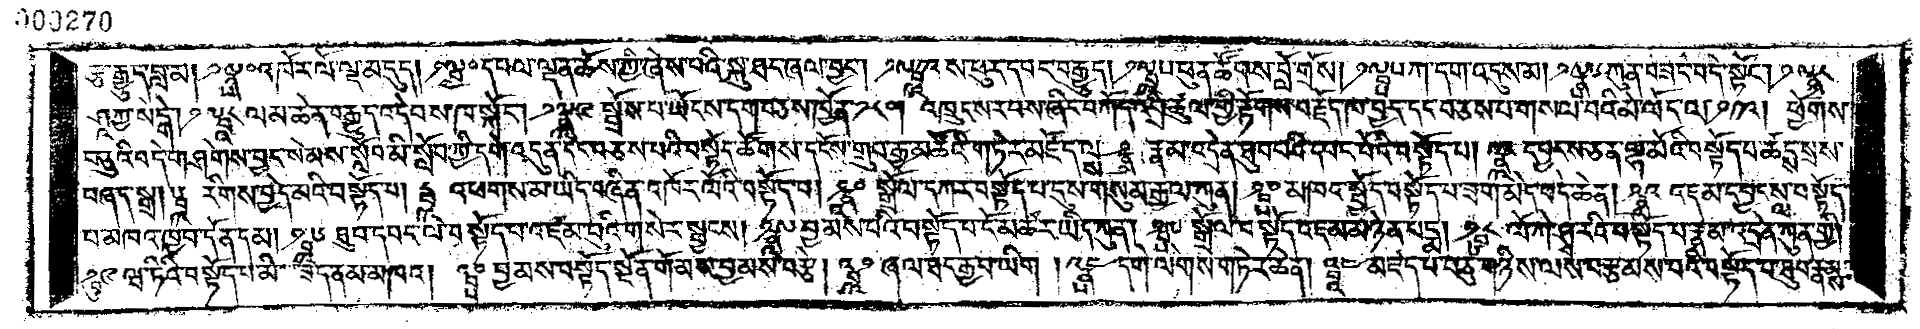རྩ་རྒྱུད་བླ་མ། ༡༧༠༢ན༥་འཁོར་ལོ་ལྔ་མདུད། ༡༧༠བ༤་དཔལ་ལྡན་ཆོས་ཀྱི་ཞེས་པའི་སྐུ་ཐང་ཞལ་བྱང་། ༡༧༣བ༣་ས་ཕུར་དབང་བརྒྱུད། ༡༧༥བ༣་ཕུན་ཚོགས་བློ་གྲོས། ༡༧༥བ༥་ཀ་དག་འདུས་མ། ༡༧༦ན༥་ཀུན་བཟང་བདེ་སྟོང་། ༡༧༨ན༡
ཤཱཀྱ་སེངྒེ། ༡༧༨བ༢་ལམ་ཆེན་བརྒྱུད་འདེབས་ཁ་སྐོང་། ༡༧༩ན༣་སྤྲོས་པ་ཡོངས་དག་བཅས་ཁྱོན ༡༨༠། འཁྲུངས་རབས་ཞིང་བཀོད་འབྲི་ཚུལ་གྱི་རྟོགས་བརྗོད་ཁ་བྱད་དང་བཅས་པ་གསལ་བའི་མེ་ལོང་ལ ༡༣། ཕྱོགས་
བཅུའི་བདེ་གཤེགས་བྱང་སེམས་བློ་མི་སློབ་ཀྱི་དགེ་འདུན་དང་བཅས་པའི་བསྟོད་ཚོགས་དངོས་གྲུབ་རྒྱ་མཚོའི་གཏེར་མཛོད་ལས ༡ན༡་རྣམ་འདྲེན་ཐུབ་པའི་དབང་པོའི་བསྟོད་པ། ༣ན༣་དབྱངས་ཅན་ལྷ་མོའི་བསྟོད་པ་ཚངས་སྲས་
བཞད་སྒྲ། ༦བ༣་རིགས་བྱེད་མའི་བསྟོད་པ། ༨བ༣་འཕགས་པ་ཡིད་བཞིན་འཁོར་ལོའི་བསྟོད་པ། ༡༠ན༢་སྒྲོལ་དཀར་བསྟོད་པ་དུས་གསུམ་རྒྱལ་ཀུན། ༡༠བ༥་མཁའ་སྤྱོད་བསྟོད་པ་ཟག་མེད་བདེ་ཆེན། ༡༢ན༢་འཇམ་དབྱངས་ལ་བསྟོད་
པ་མཁའ་ཁྱབ་དོན་དམ། ༡༦བ༣་ཐུབ་དབང་ལེ་བསྟོད་པ་འཛམ་བུའི་གསེར་སྦྱངས། ༡༧ན༢་བྱམས་པའི་བསྟོད་པ་ངོ་མཚར་ཡིད་ཀུན། ༡༧བ༥་སྒྲོལ་བསྟོད་འཇམ་མཉེན་པདམ། ༡༨བ༦་ལོ་ཀེ་ཤྲྭ་རའི་བསྟོད་པ་རྣམ་འདྲེན་ཀུན་གྱི།
༡༩བ༦་ཝ་ཏིའི་བསྟོད་པ་མི་ཟད་ནམ་མཁའ། ༢༠བ༥་བྱམས་བསྟོད་སྔོན་གོམས་བྱམས་བརྩེ། ༢༠བ༣་ཞལ་ཐང་རྒྱབ་ཡིག །༢༤ན༥་དགེ་ལེགས་གཏེར་ཆེན། ༢༤བ༢་མཛད་པ་བཅུ་གཉིས་ལས་བརྩམས་པའི་བསྟོད་པ་ཐུབ་རྣམས་